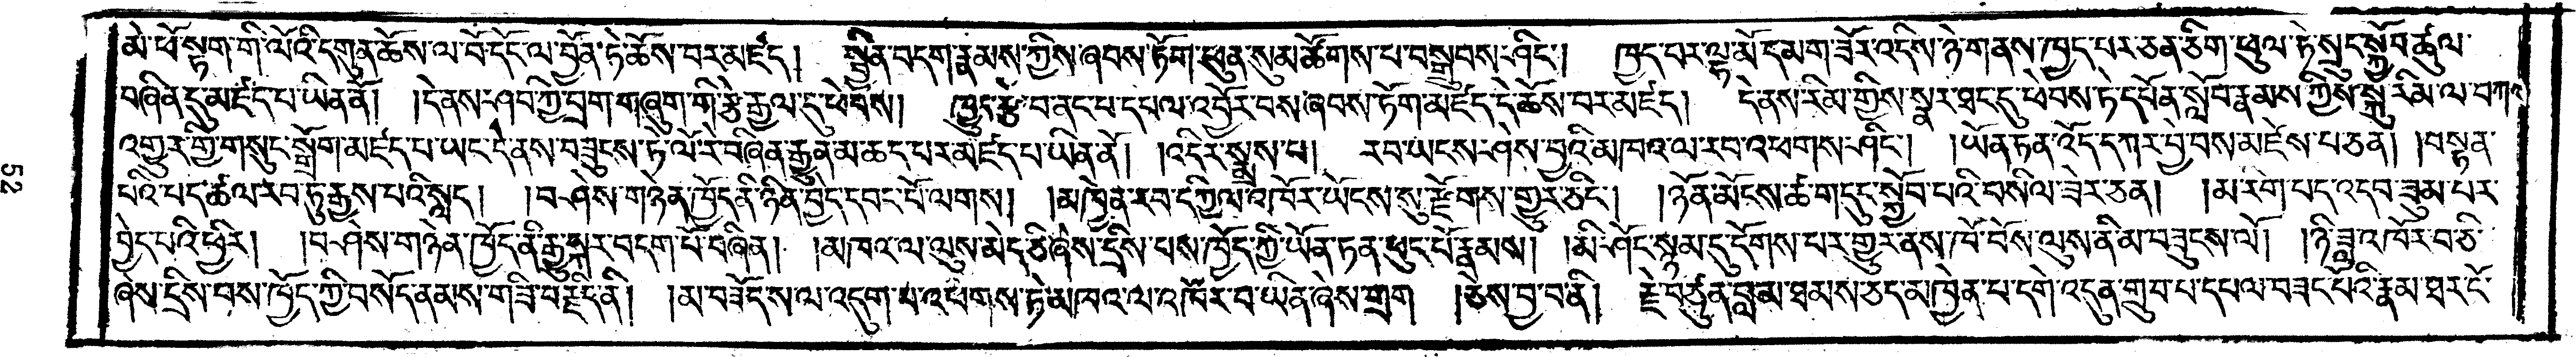མེ་ཕོ་སྟག་གི་ལོའི་དགུན་ཆོས་ལ་བོ་དོང་ལ་བྱོན་ཏེ་ཆོས་བར་མཛད། སྦྱིན་བདག་རྣམས་ཀྱིས་ཞབས་ཏོག་ཕུན་སུམ་ཚོགས་པ་བསྒྲུབས་ཤིང་། ཁྱད་པར་ལྷ་མོ་དམག་ཟོར་འདིས་ཉེ་གནས་ཁྱད་པར་ཅན་ཅིག་ཕུལ་ཏེ་སྲུང་སྐྱོབ་ཚུལ་
བཞིན་དུ་མཛད་པ་ཡིན་ནོ། །དེ་ནས་ཤབ་ཀྱི་བྲག་གཞུག་གི་རྩེ་རྒྱལ་དུ་ཕེབས། ཁྱུད་རྩེ་བ་ནང་བ་དཔལ་འབྱོར་བས་ཞབས་ཏོག་མཛད་དེ་ཆོས་བར་མཛད། དེ་ནས་རིམ་གྱིས་སྣར་ཐང་དུ་ཕེབས་ཏེ་དཔོན་སློབ་རྣམས་ཀྱིས་སྐུ་རིམ་ལ་བཀའ་
འགྱུར་གྱི་གསུང་སྒྲོག་མཛད་པ་ཡང་དེ་ནས་བཟུངས་ཏེ་ལོ་རེ་བཞིན་རྒྱུན་མ་ཆད་པར་མཛད་པ་ཡིན་ནོ། །འདིར་སྨྲས་པ། རབ་ཡངས་ཤེས་བྱའི་མཁའ་ལ་རབ་འཕགས་ཤིང་། །ཡོན་ཏན་འོད་དཀར་བྱེ་བས་མཛེས་པ་ཅན། །བསྟན་
པའི་པད་ཚལ་རབ་ཏུ་རྒྱས་པའི་སླད། །བཤེས་གཉེན་ཁྱོད་ནི་ཉིན་བྱེད་དབང་པོ་ལགས། །མཁྱེན་རབ་དཀྱིལ་འཁོར་ཡོངས་སུ་རྫོགས་གྱུར་ཅིང་། །ཉོན་མོངས་ཚ་གདུང་སྐྱོབ་པའི་བསིལ་ཟེར་ཅན། །མ་རིག་པད་འདབ་ཟུམ་པར་
བྱེད་པའི་ཕྱིར། །བཤེས་གཉེན་ཁྱོད་ནི་རྒྱུ་སྐར་བདག་པོ་བཞིན། །མཁའ་ལ་ལུས་མེད་ཅི་ཞེས་དྲིས་པས་ཁྱོད་ཀྱི་ཡོན་ཏན་ཕུང་པོ་རྣམས། །མི་ཤོང་སྙམ་དུ་དོགས་པར་གྱུར་ནས་ཁོ་བོས་ལུས་ནི་མ་བཟུངས་ལོ། །ཉི་ཟླ་འཁོར་བ་ཅི་
ཞེས་དྲིས་བས་ཁྱོད་ཀྱི་བསོད་ནམས་གཟི་བརྗིད་ནི། །མ་བཟོད་ས་ལ་འདུག་པ་འཕགས་ཏེ་མཁའ་ལ་འཁོར་བ་ཡིན་ཞེས་གྲག །ཅེས་བྱ་བ་ནི། རྗེ་བཙུན་བླ་མ་ཐམས་ཅད་མཁྱེན་པ་དགེ་འདུན་གྲུབ་པ་དཔལ་བཟང་པོའི་རྣམ་ཐར་ངོ་